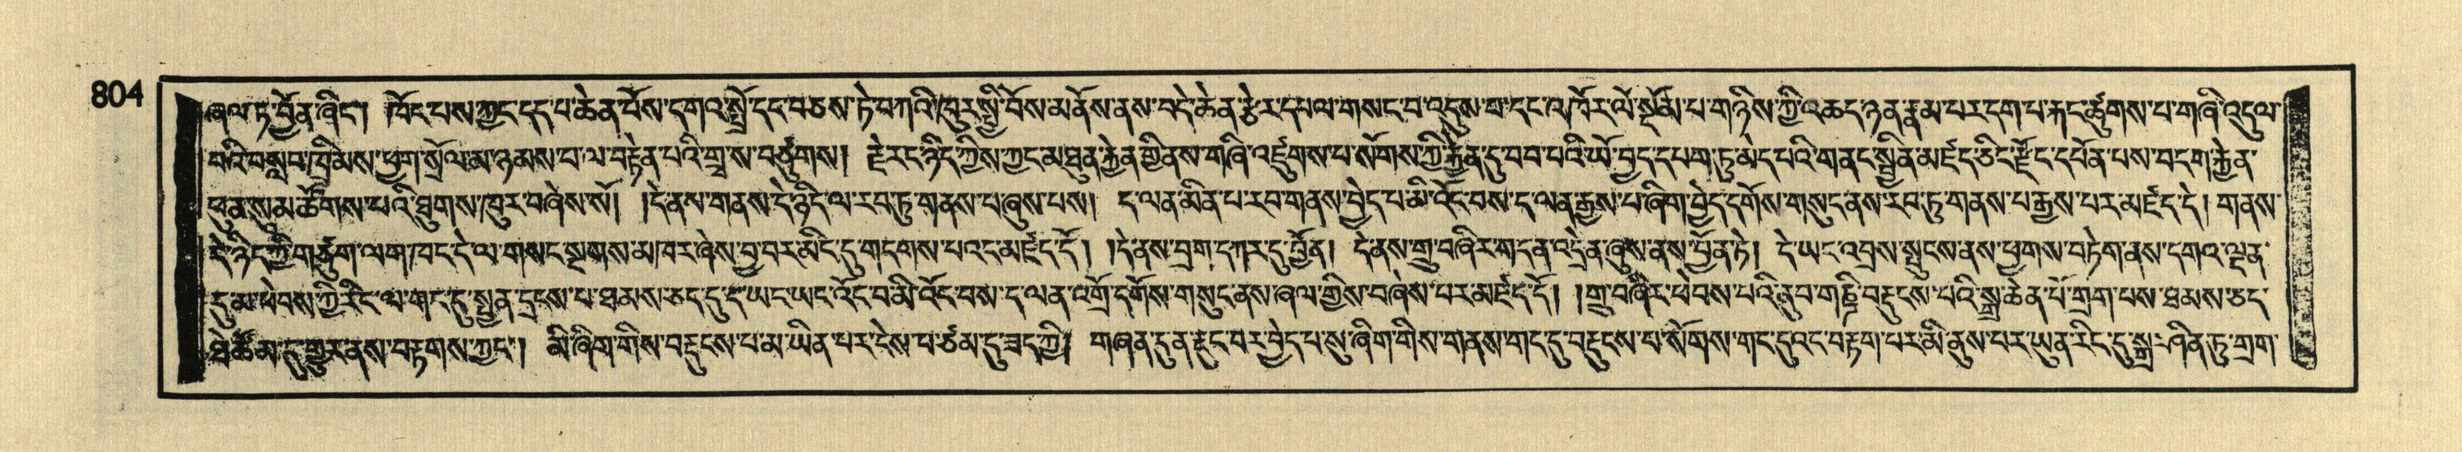ཞལ་ཏ་བྱོན་ཞིང་། ཁོང་པས་ཀྱང་དད་པ་ཆེན་པོས་དགའ་སྤྲོ་དང་བཅས་ཏེ་བཀའི་ཁུར་སྤྱི་བོས་མནོས་ནས་བདེ་ཆེན་རྩེར་དཔལ་གསང་བ་འདུས་པ་དང་འཁོར་ལོ་སྡོམ་པ་གཉིས་ཀྱི་འཆད་ཉན་རྣམ་པར་དག་པ་རྐང་ཚུགས་པ་གཞི་འདུལ་
བའི་བསླབ་ཁྲིམས་ཕྱག་སྲོལ་མ་ཉམས་པ་ལ་བརྟེན་པའི་གྲྭ་ས་བཙུགས། རྗེ་རང་ཉིད་ཀྱིས་ཀྱང་མཐུན་རྐྱེན་གྱི་ནས་གཞི་འཛུགས་པ་སོགས་ཀྱི་རྐྱེན་དུ་བབ་པའི་ཡོ་བྱད་དཔག་ཏུ་མེད་པའི་གནང་སྦྱིན་མཛད་ཅིང་རྫོང་དཔོན་པས་བདག་རྐྱེན་
ཕུན་སུམ་ཚོགས་པའི་ཐུགས་ཁུར་བཞེས་སོ། །དེ་ནས་གནས་དེ་ཉིད་ལ་རབ་ཏུ་གནས་པ་ཞུས་པས། ད་ལན་མིན་པ་རབ་གནས་བྱེད་པ་མི་འོང་བས་ད་ལན་རྒྱས་པ་ཞིག་བྱེད་དགོས་གསུང་ནས་རབ་ཏུ་གནས་པ་རྒྱས་པར་མཛད་དེ། གནས་
དེ་ཉིད་ཀྱི་གཙུག་ལག་ཁང་དེ་ལ་གསང་སྔགས་མཁར་ཞེས་བྱ་བར་མིང་དུ་གདགས་པའང་མཛད་དོ། །དེ་ནས་བྲག་དཀར་དུ་བྱོན། དེ་ནས་གྲུ་བཞིར་གདན་འདྲེན་ཞུས་ནས་བྱོན་ཏེ། དེ་ཡང་འབྲས་སྤུངས་ནས་ཕྱགས་བཏེག་ནས་དགའ་ལྡན་
དུ་མ་ཕེབས་ཀྱི་རིང་ལ་གང་དུ་སྤྱན་དྲངས་པ་ཐམས་ཅད་དུ་ད་ཡང་ཡང་འོང་བ་མི་འོང་བས་ད་ལན་འགྲོ་དགོས་གསུང་ནས་ཞལ་གྱིས་བཞེས་པར་མཛད་དོ། །གྲུ་བཞིར་ཕེབས་པའི་ནུབ་གཎྜི་བརྡུངས་པའི་སྒྲ་ཆེན་པོ་གྲག་པས་ཐམས་ཅད་
ཐེ་ཚོམ་དུ་གྱུར་ནས་བརྟགས་ཀྱང་། མི་ཞིག་གིས་བརྡུངས་པ་མ་ཡིན་པར་ངེས་པ་ཙམ་དུ་ཟད་ཀྱི། གཞན་དུ་ན་རྡུང་བར་བྱེད་པ་སུ་ཞིག་གིས་གནས་གང་དུ་བརྡུངས་པ་སོགས་གང་དུའང་བརྟག་པར་མི་ནུས་པར་ཡུན་རིང་དུ་སྒྲ་ཤིན་ཏུ་གྲག་